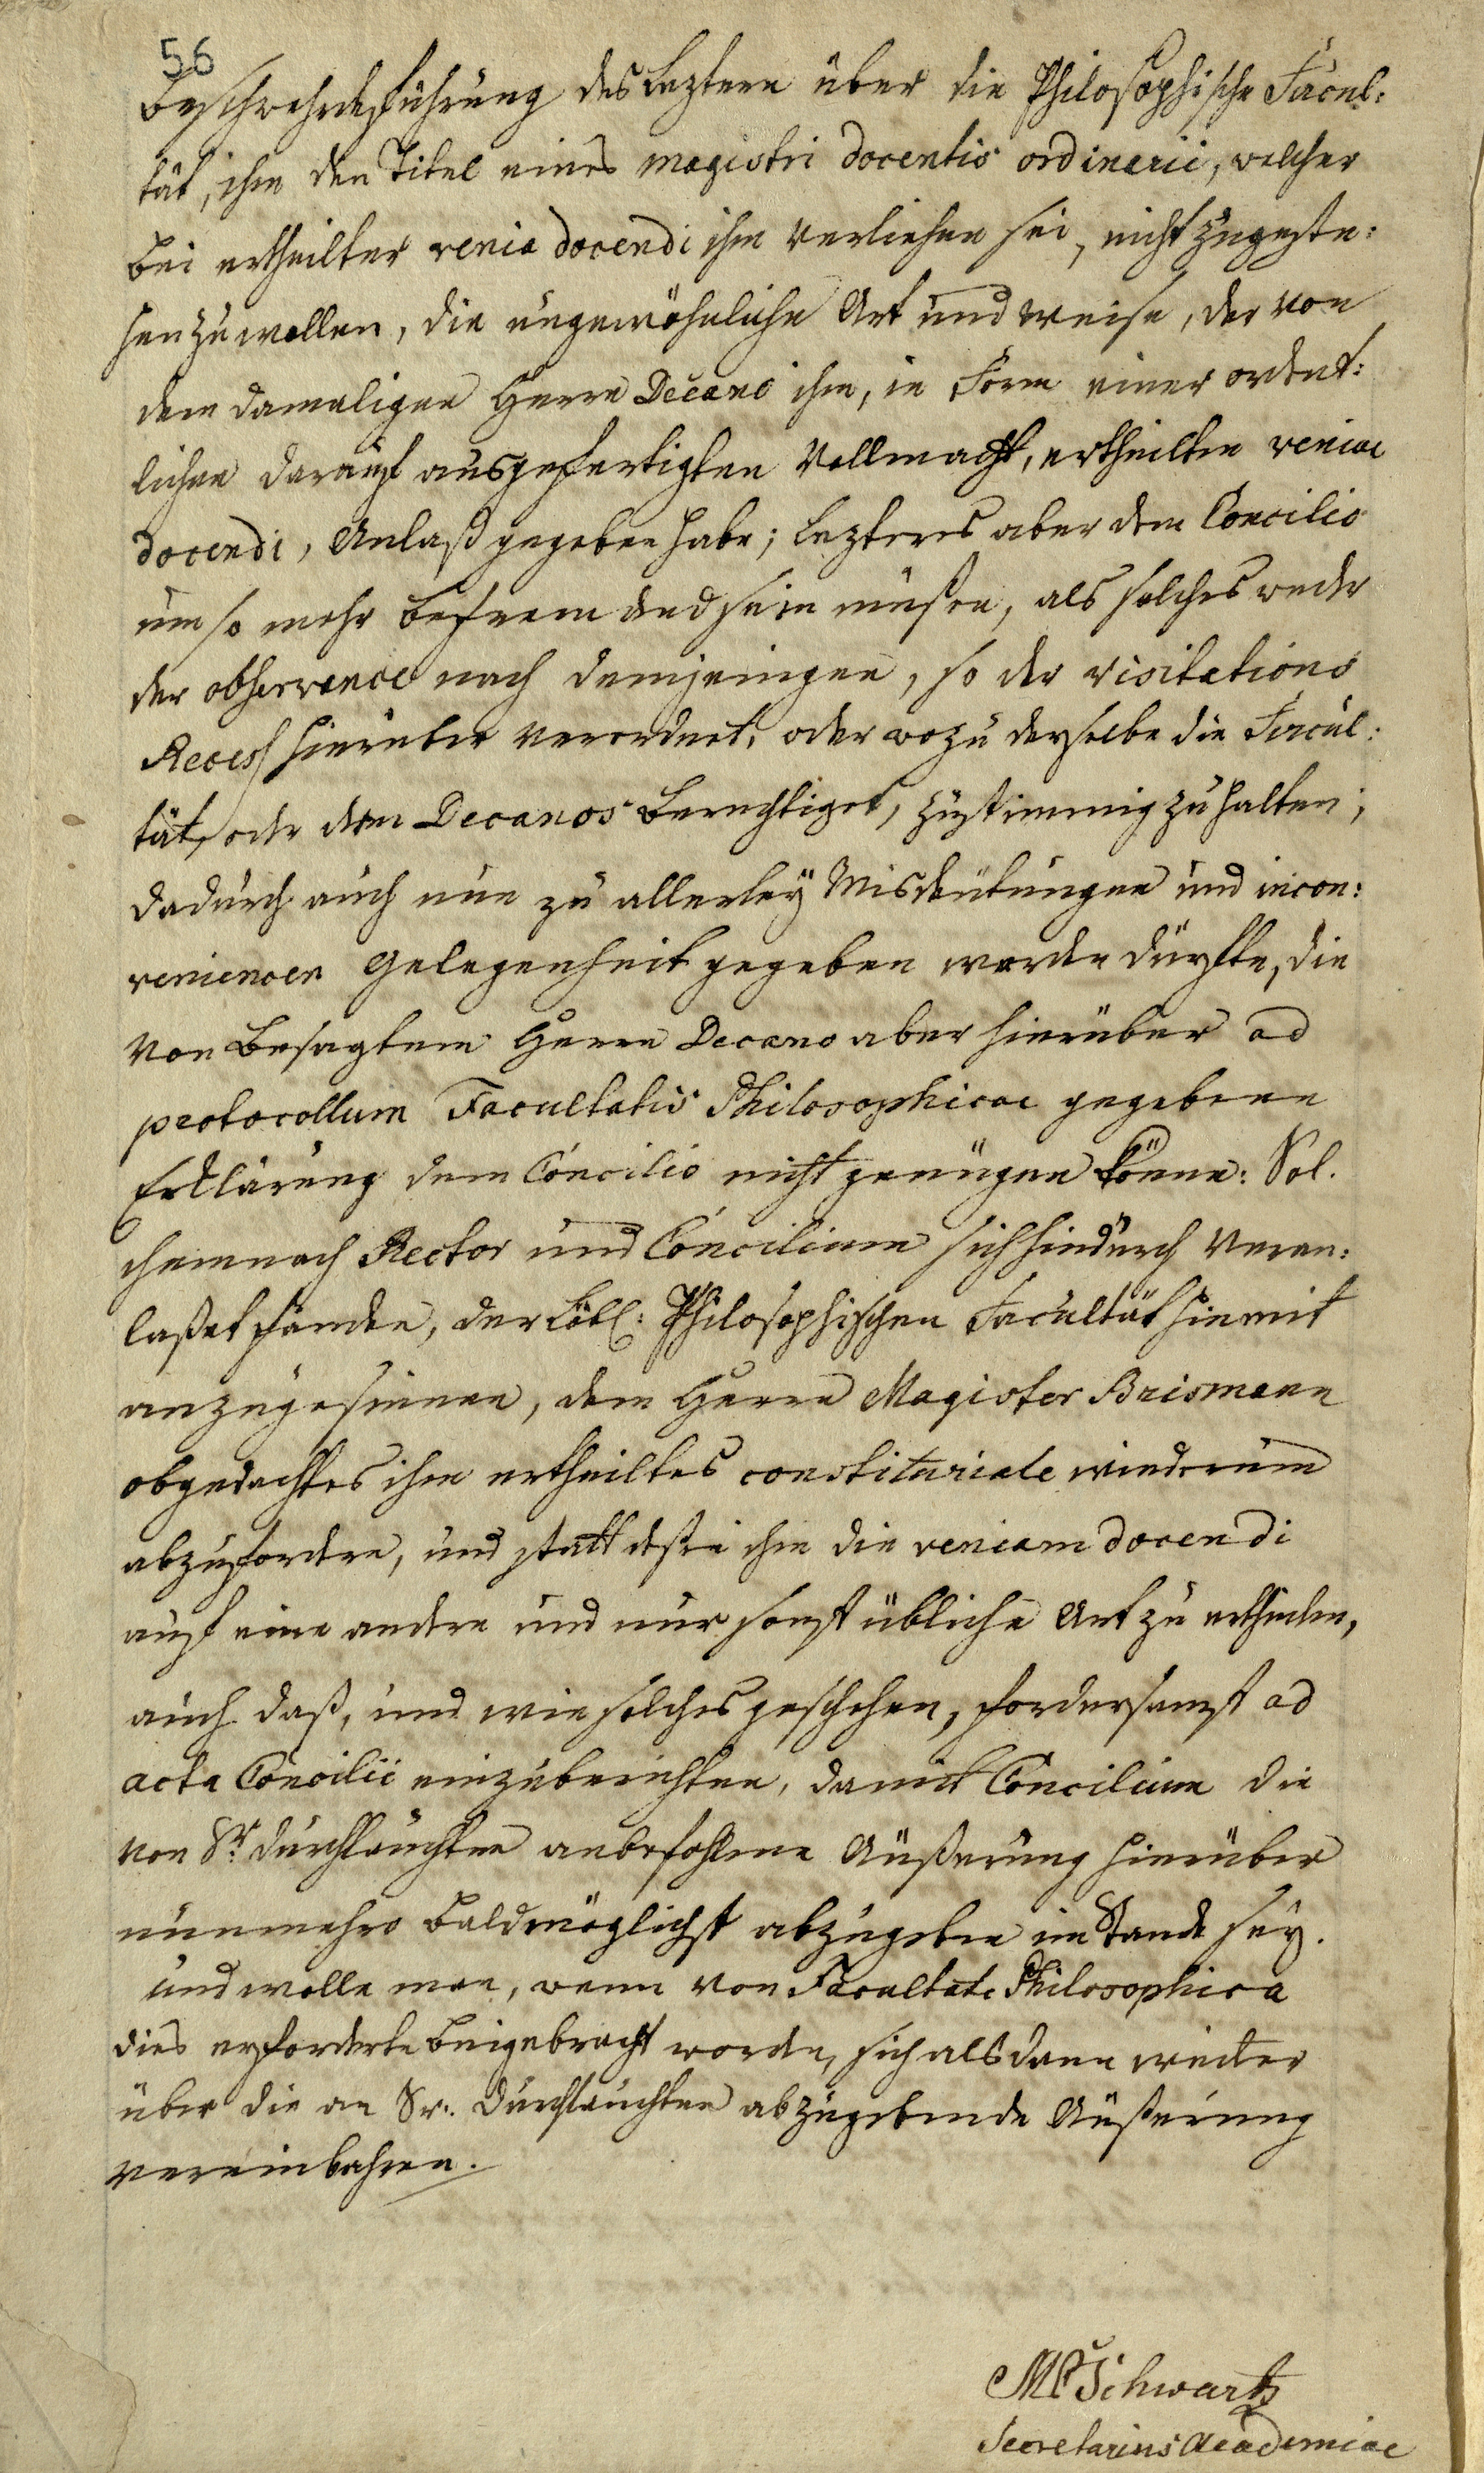Beschwehrdeführung des Leztern über die Philosophische Facul¬
tät ihm der Titel eines magistri docentis ondinarie, welcher
bei ertheilter venia docendi ihm verliehen sei, nicht zugeste¬
hen zu wollen, die ungewöhnliche Art und weise, der von
dem damaligen Herrn Decano ihm, in Form einer ordent¬
lichen darauf ausgefertigten Vollmacht, ertheilten veniae
docendi, Anlaß gegeben habe, lezteres aber dem Concilio
um so mehr befremdend sein müßen, als solches weder
der observance nach demjenigen, so der Visitations
Recess hierüber verordnet, oder wozu derselbe die Facul¬
tät oder dem Decanos berechtiget, zustimmig zu halten;
dadurch auch nun zu allerleÿ Misdeutungen und incon¬
veniencen Gelegenheit gegeben werden dürfte, die
von besagtem Herrn Decano aber hierüber ad
protocollum Facultatis Philosophicae gegebene
Erklärung dem Concilio nicht genügen könne. Sol¬
chemnach Rector und Concilium sich hiedurch veran¬
laßet fänden, der Löbl. Philosophischen Facultät hiemit
anzugesinnen, dem Herrn Magister Brismann
obgedachtes ihm ertheiltes constituriale wiederum
abzufordern, und statt deßen ihm die veniam docendi
auf eine andere und nur sonst übliche Art zu ertheilen,
auch daß, und wie solches geschehen, fordersamst ad
acta Concilii einzuberichten, damit Concilium die
von Sr Durchlauchten anbefohlne Äußerung hierüber
nunmehro baldmöglichst abzugeben in Stande seÿ.
und wolle man, wenn von Facultate Philosophica
dies erforderte beigebracht worden, sich als dann weiter
über die an Sr. Durchlauchten abzugebende Äußerung
vereinbahren.
MC Schwartz
Secretarius Academiae